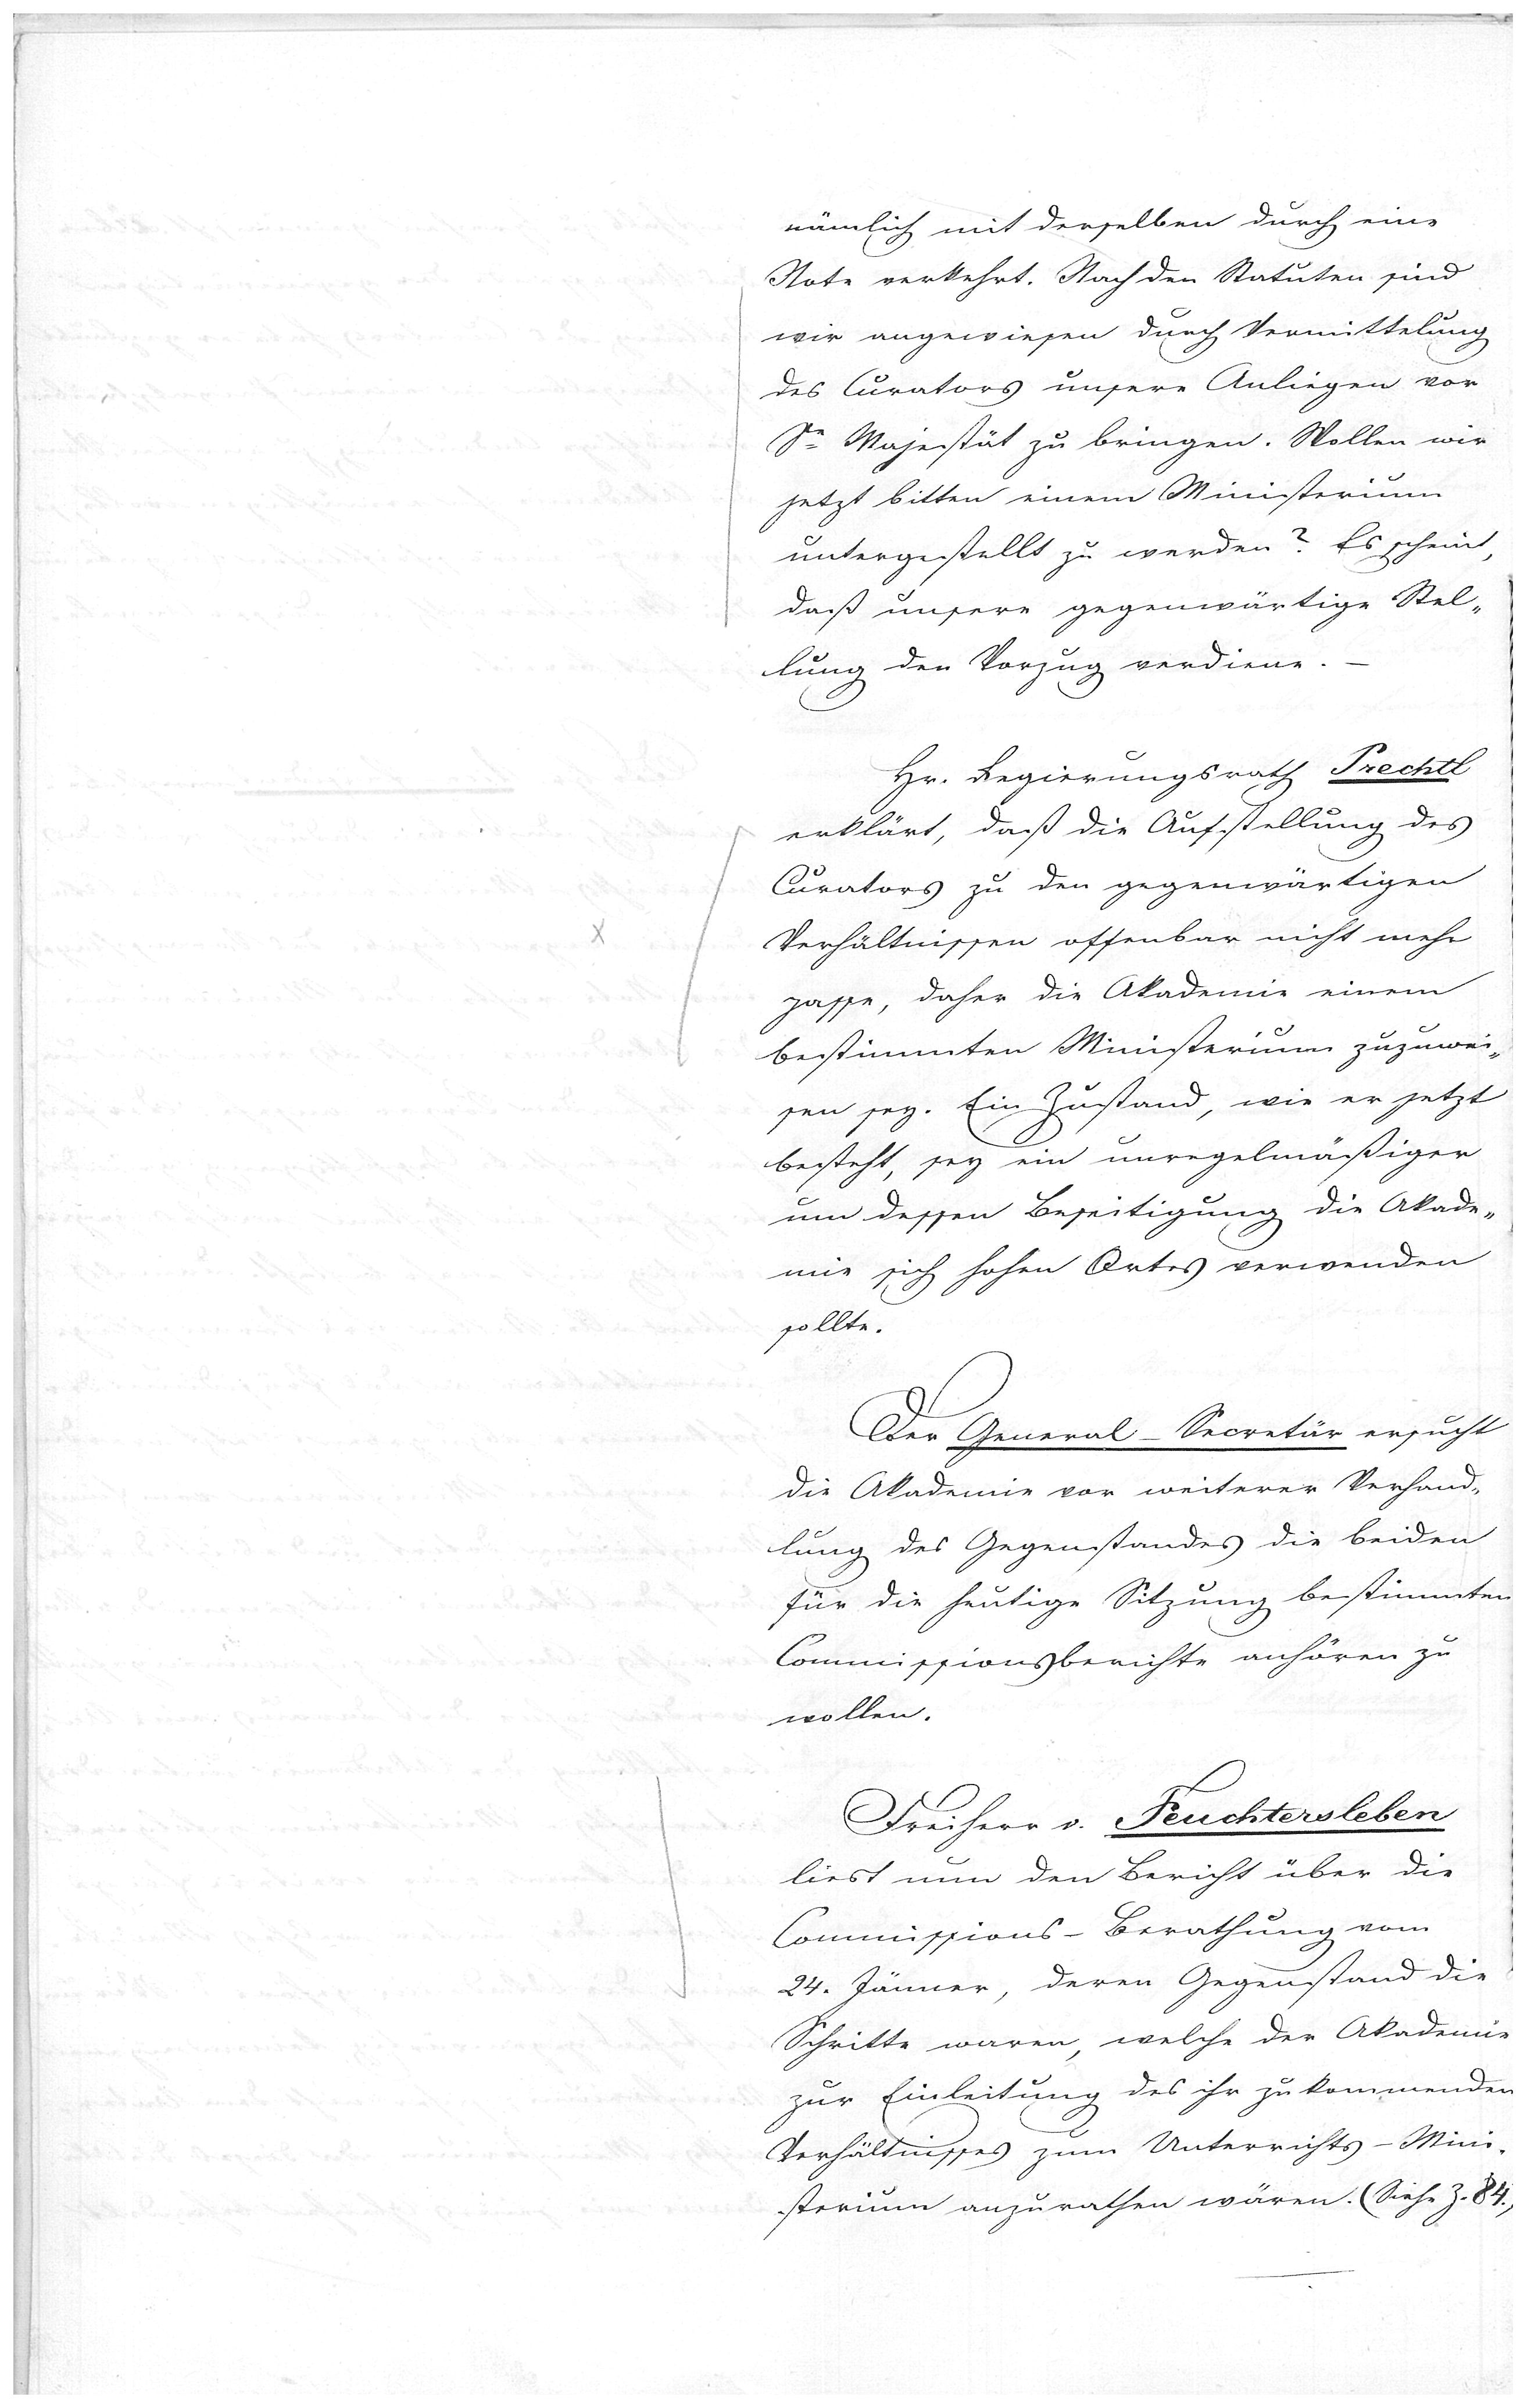nämlich mit derselben durch eine
Note verkehrt. Nach den Statuten sind
wir angewiesen durch Vermittelung
des Curators unsere Anliegen vor
Sr Majestät zu bringen. Wollen wir
jetzt bitten einem Ministerium
untergestellt zu werden? Es scheint,
daß unsere gegenwärtige Stel-
lung den Vorzug verdiene.
Hr. Regierungsrath Prechtl
erklärt, daß die Aufstellung des
Curators zu den gegenwärtigen
Verhältnissen offenbar nicht mehr
passe, daher die Akademie einem
bestimmte Ministerium zuzuwei-
sen sey. Ein Zustand, wie er jetzt
besteht, sey ein unregelmäßiger
um dessen Beseitigung die Akade-
mie sich hohen Ortes verwenden
sollte.
Der General-Secretär ersucht
die Akademie vor weiterer Verhand-
lung des Gegenstandes die beiden
für die heutige Sitzung bestimmten
Commissionsberichte anhören zu
wollen.
Freiherr v. Feuchtersleben
liest nun den Bericht über die
Commissions-Berathung vom
24. Jänner, deren Gegenstand die
Schritte waren, welche der Akademie
zur Einleitung des ihr zukommenden
Verhältnisses zum Unterrichts-Mini-
sterium anzurathen wären. (Siehe Z. 84,